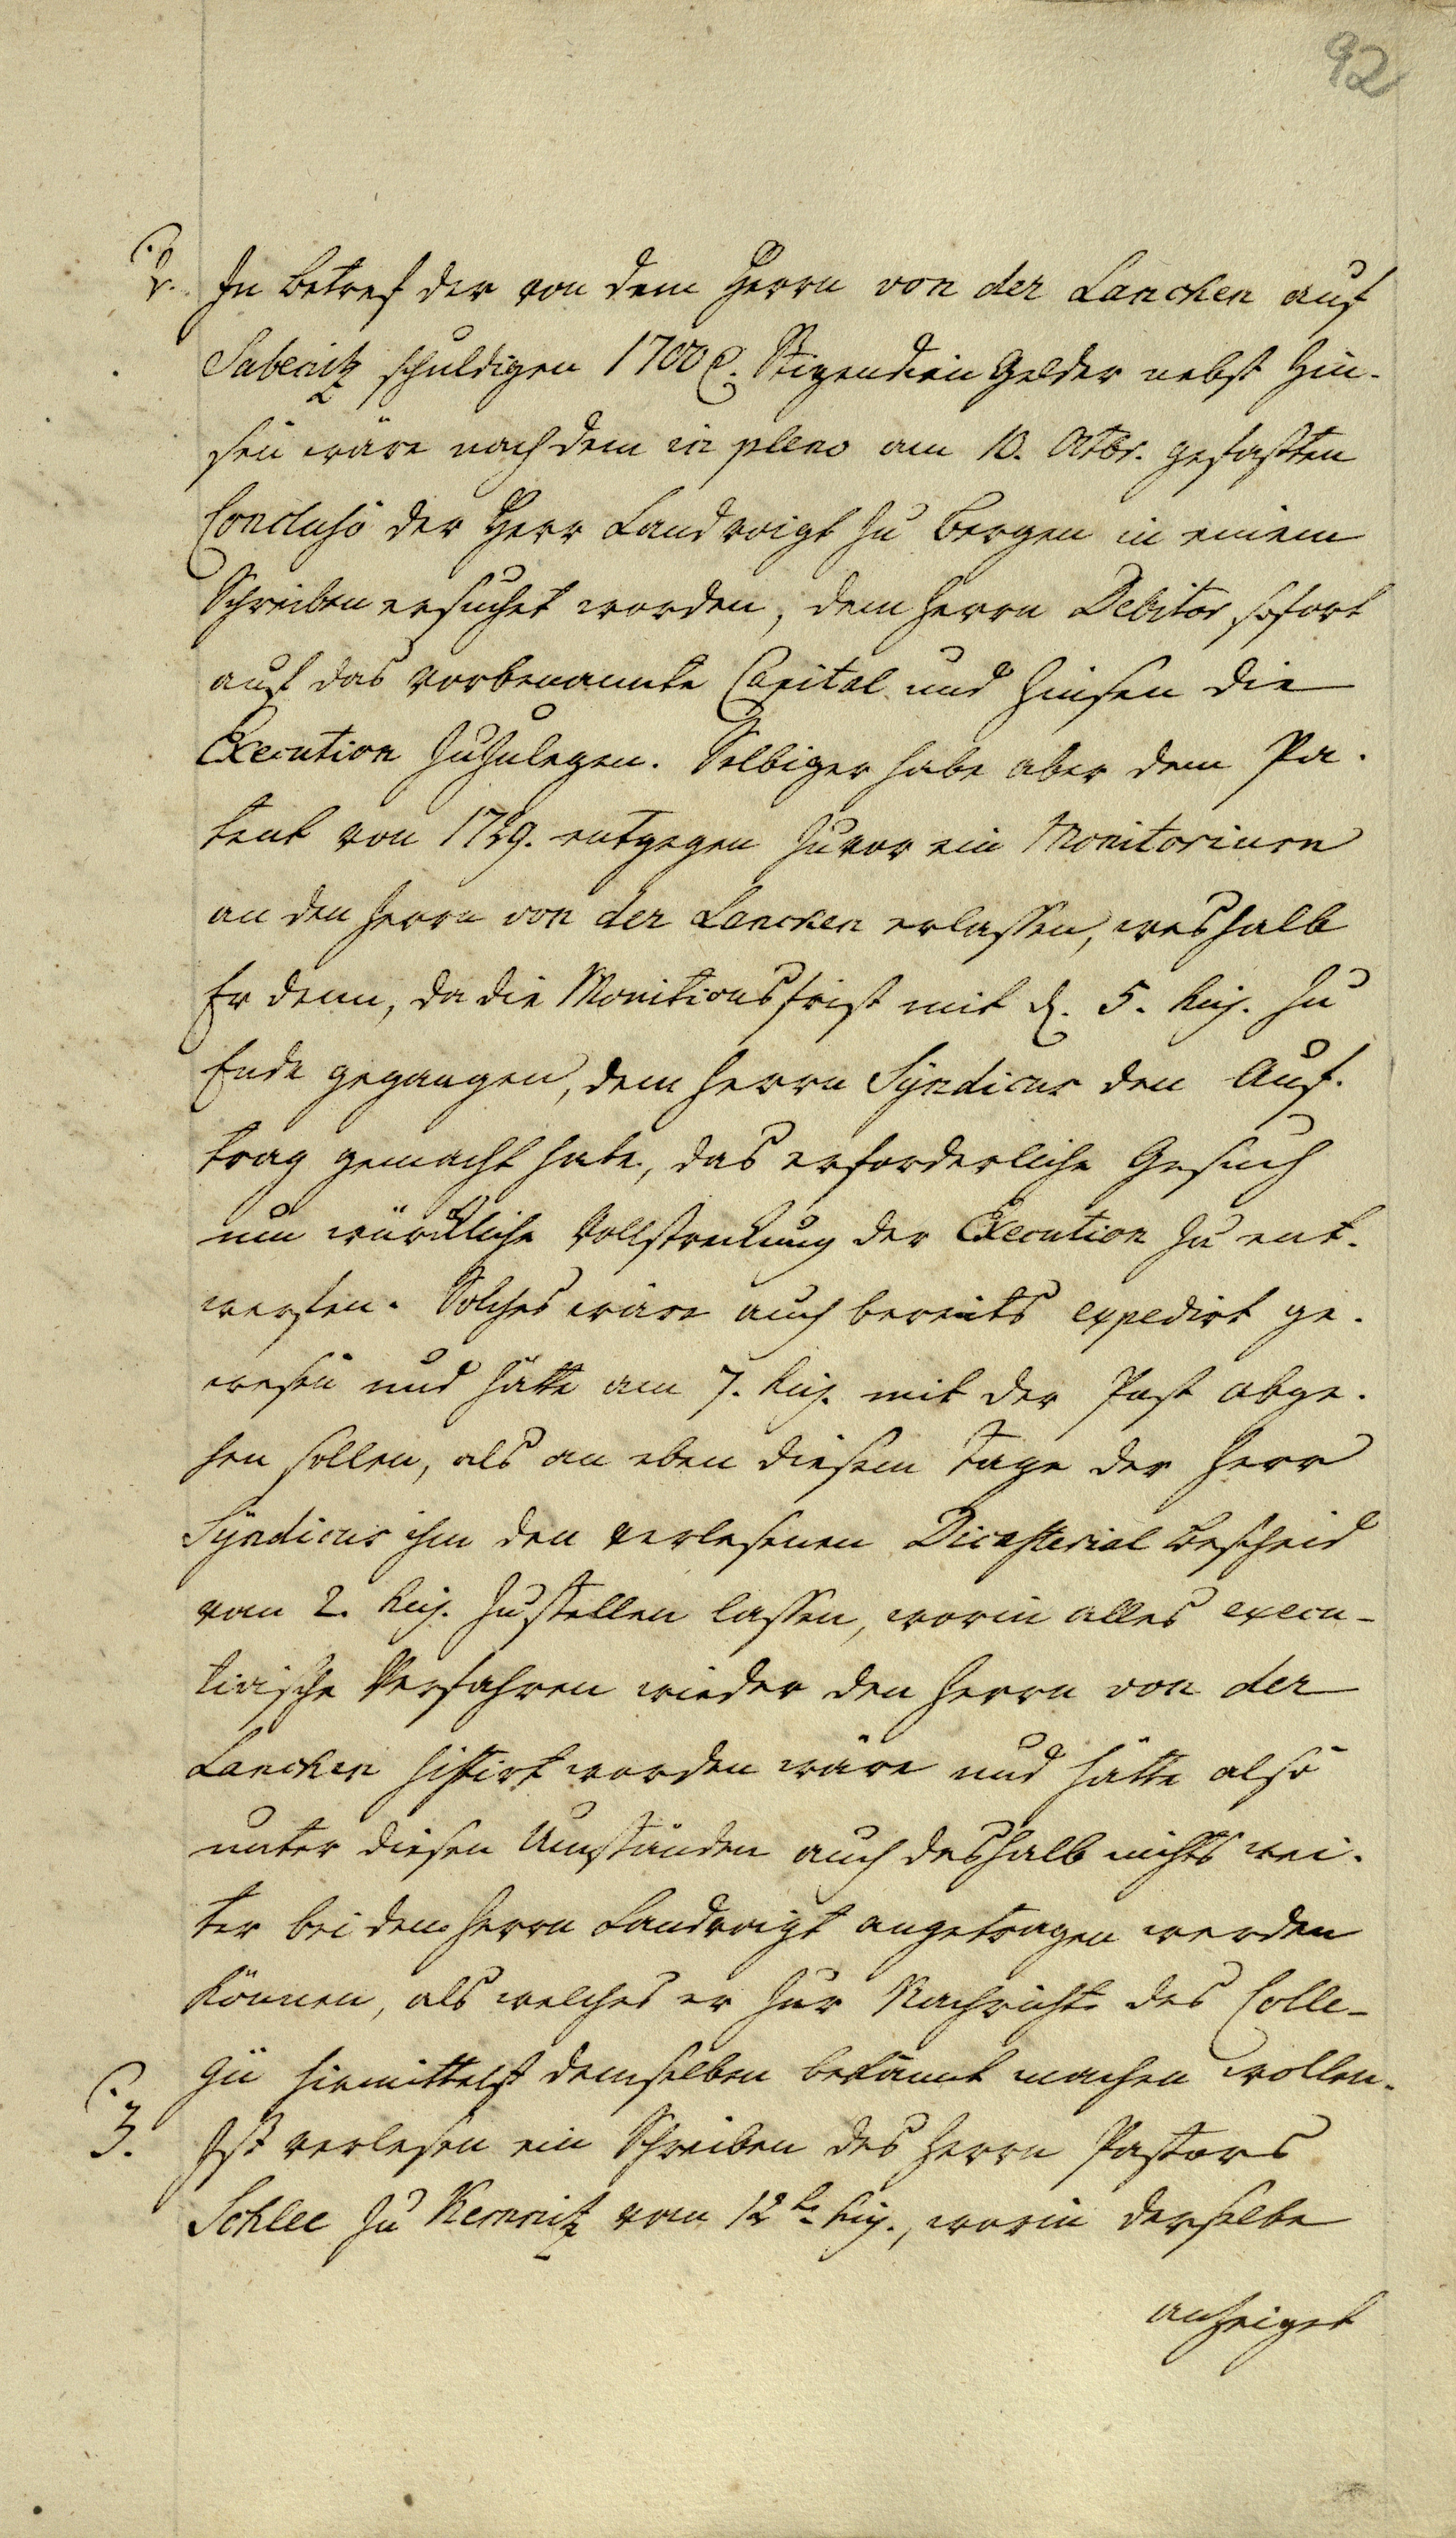2. In Betref der von dem Herrn von der Lancken auf
Sabenitz schuldigen 1700 l. Stipendien Gelder nebst Z¬in
sen wäre nach dem in pleno am 10. Octbr. gefaßten
Concluso der Herr Land voigt zu Bergen in einem
Schreiben ersuchet worden, dem Herrn Debitor sofort
auf das vorbenannte Capital und Zinsen die
Execution zuzulegen. Selbiger habe aber dem Pa¬
tent von 1729. entgegen zu vor ein Monitorium
an den Herrn von der Lancken erlassen, weshalb
Er denn, da die Monitionsfrist mit d. 5. huj. zu
Ende gegangen, dem Herrn Sÿndicus den Auf¬
trag gemacht habe, das erforderliche Gesuch
um würckliche Vollstreckung der Execution zu ent¬
werfen. Solches wäre auch bereits expedirt ge¬
wesen und hätte am 7. huj. mit der Post abge¬
hen sollen, als an eben diesem Tage der Herr
Sÿndicus ihm den verlesenen Dicasterial Bescheid
vom 2. huj. zu stellen lassen, worin alles execu¬
torische Verfahren wieder den Herrn von der
Lancken sistirt worden wäre und hätte also
unter diesen Umständen auch deshalb nichts wei¬
ter bei dem Herrn Landvoigt angetragen werden
können, als welches er zur Nachricht des Colle¬
gii hiemittelst demselben bekannt machen wollen.
Ist verlesen ein Schreiben des Herrn Pastors
Schlee zu Kemnitz vom 12 te huj., worin derselbe
anzeiget